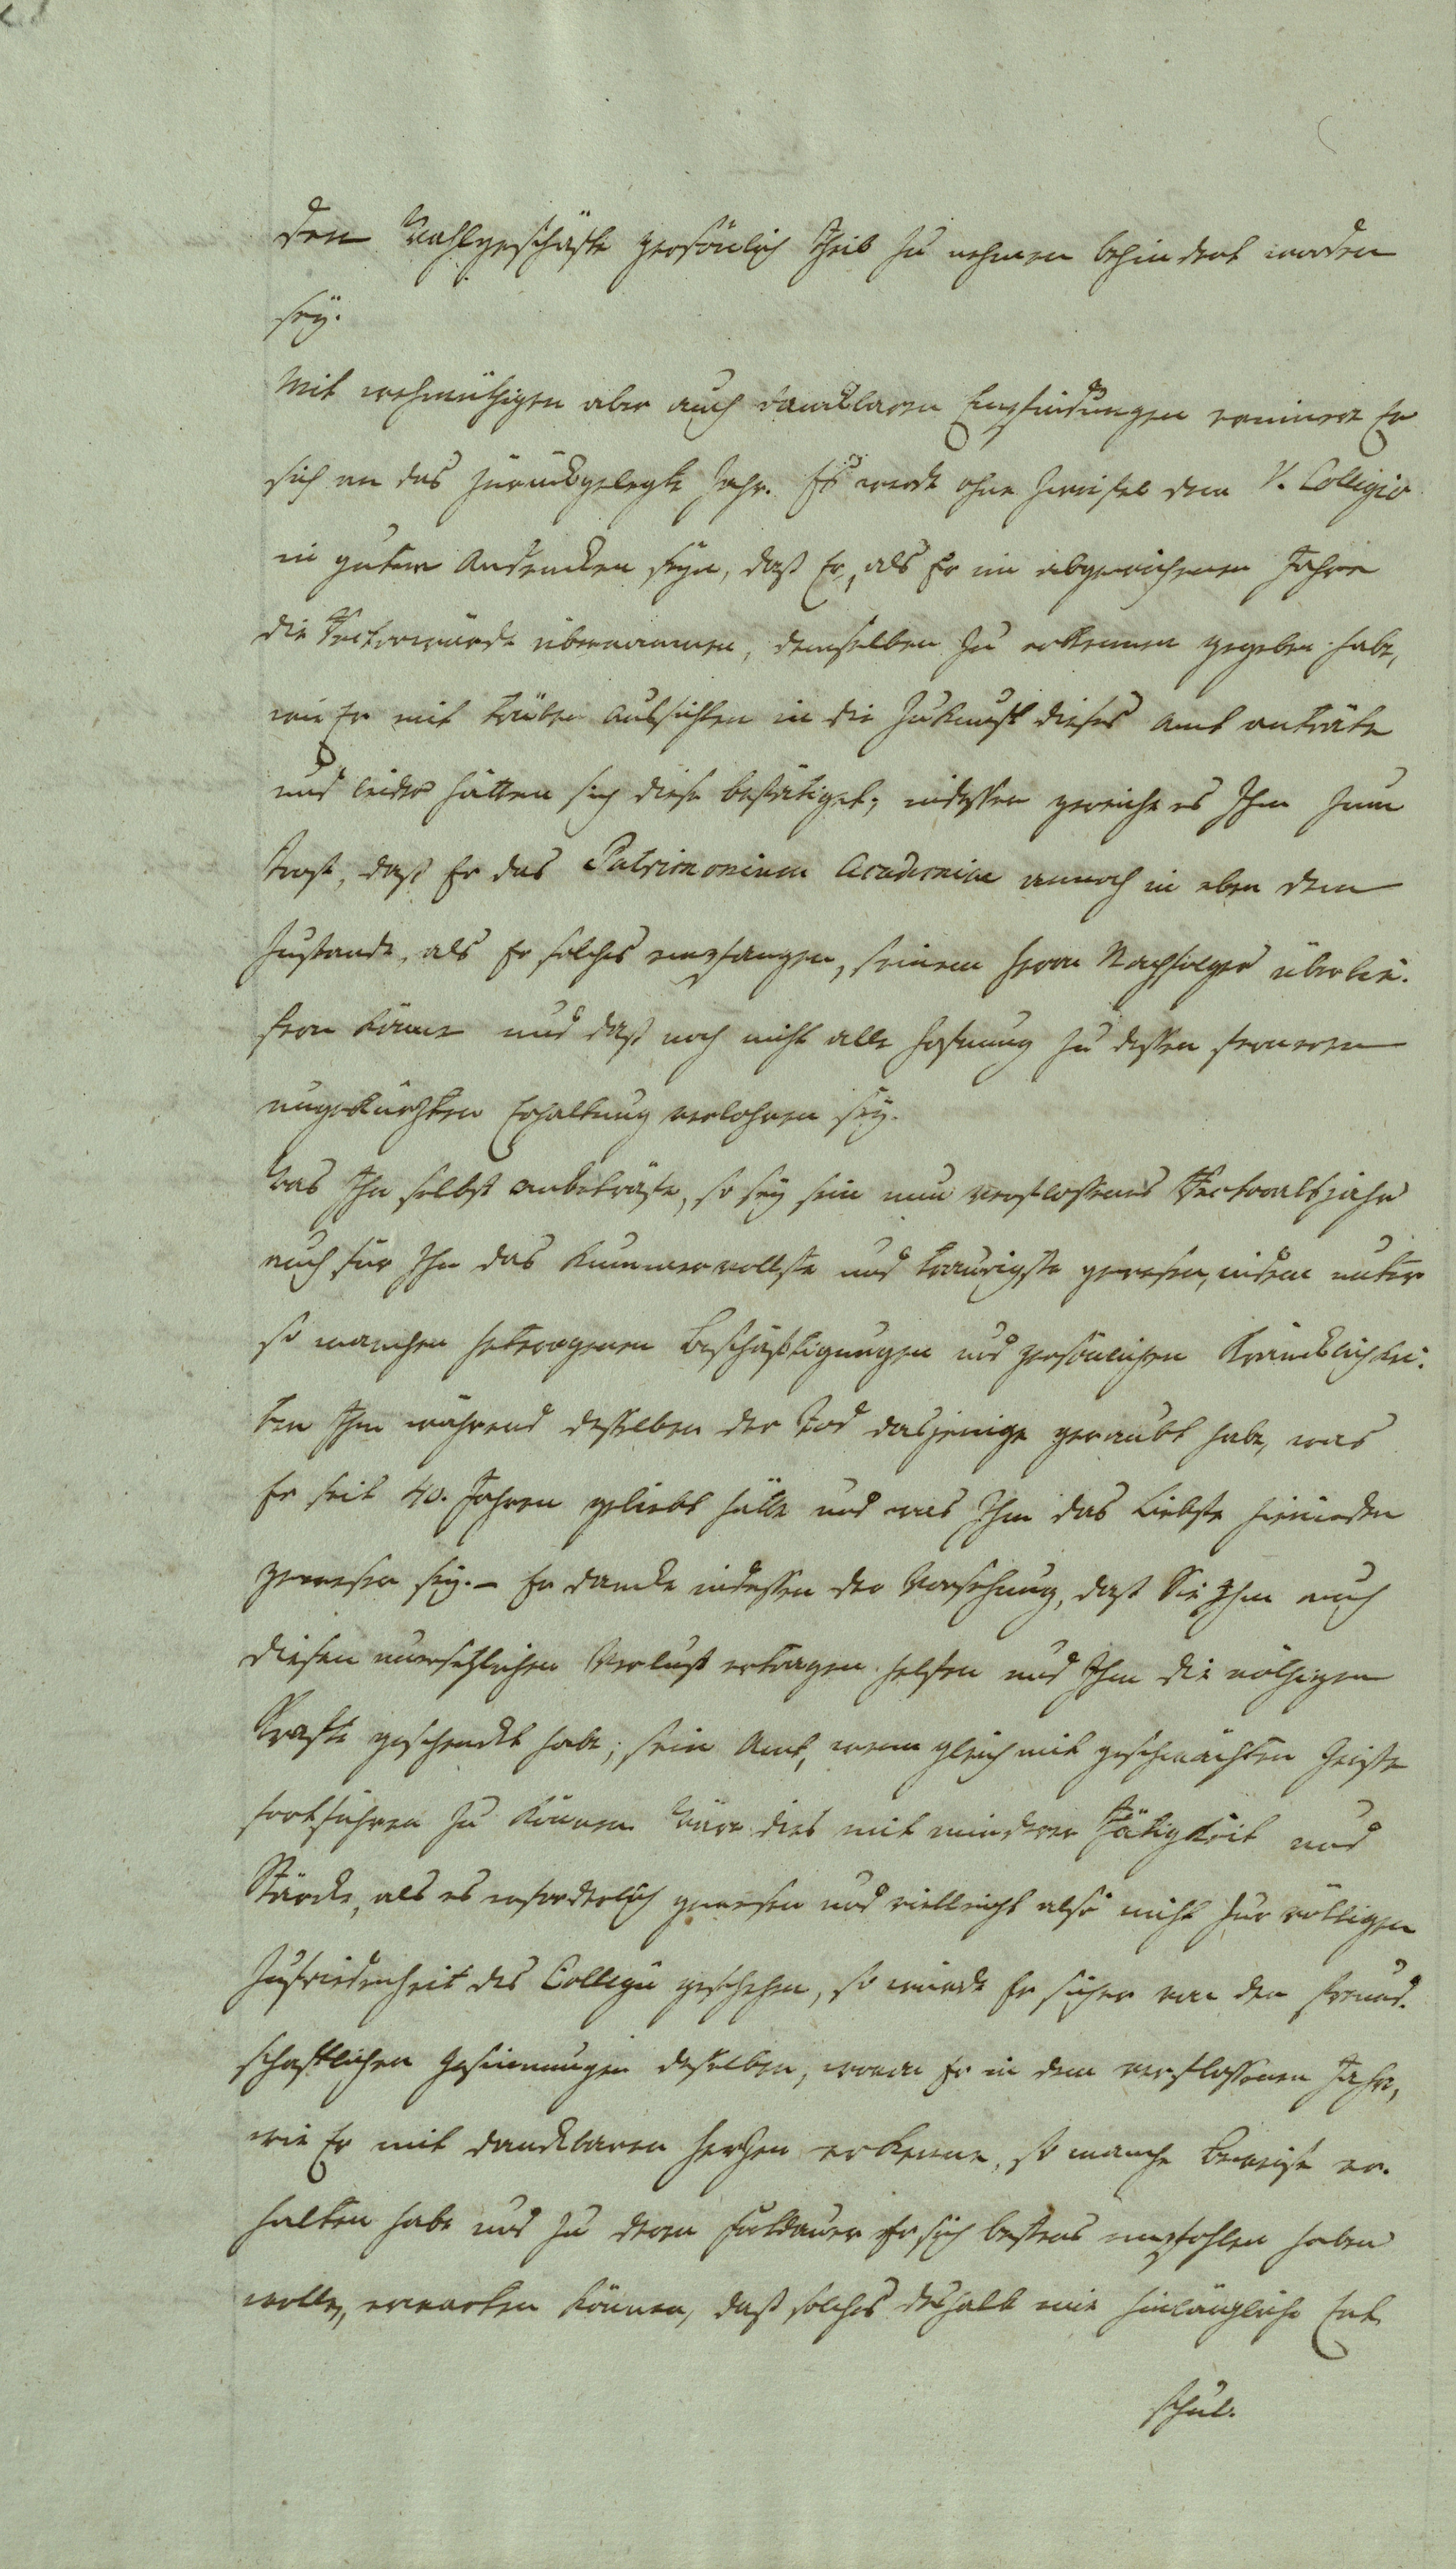den Wahlgeschäfte persönlich theil zu nehmen behindert worden
seÿ.
Mit wehmüthigen aber auch danckbaren Empfindungen erinnere Er
sich an das zurückgelegte Jahr. Es werde ohne Zweifel dem V. Collegio
in gutem Andencken seÿn, daß Er, als Er im abgewichenen Jahre
die Rectorwürde übernommen, demselben zu erkennen gegeben habe,
wie Er mit trüben Aussichten in die Zukunft dieses Amt anträte
und leider hätten sich diese bestätiget; indessen gereiche es Ihm zum
Trost, daß Er das Patrimonium Academiae annoch in eben dem
Zustande, als Er solches empfangen, seinem Herrn Nachfolger überlie¬
fern könne und daß noch nicht alle Hofnung zu dessen fernerer
ungekürzten Erhaltung verlohren seÿ.
Was Ihn selbst anbeträfe, so seÿ sein nun verflossenes Rectoratsjahr
auch für Ihn das kummervollste und traurigste gewesen, indem unter
so manchen heterogenen Beschäftigungen und persönlichen Kräncklichkei¬
ten Ihm während desselben der Tod dasjenige geraubt habe, was
Er seit 40. Jahren geliebt hätte und was Ihm das Liebste hienieden
gewesen seÿ. Er dancke indessen der Vorsehung, daß Sie Ihm auch
diesen unersetzlichen Verlust ertragen helfen und Ihm die nöthigen
Kräfte geschenckt habe; sein Amt, wenn gleich mit geschwächten Geiste
fortführen zu können. Wäre dies mit minderer Tätigkeit und
Stärcke, als es erforderlich gewesen und vielleicht also nicht zur völligen
Zufriedenheit des Collegii geschehen, so würde Er sicher von den freund¬
schaftlichen Gesinnungen desselben, woran Er in dem verflossenen Jahr,
wie Er mit danckbarem Herzen erkenne, so manche Beweise er¬
erhalten habe und zu deren Fortdauer Er sich bestens empfohlen haben
wolle, erwarten können, daß solches deshalb eine hinlängliche Ent¬
schul.